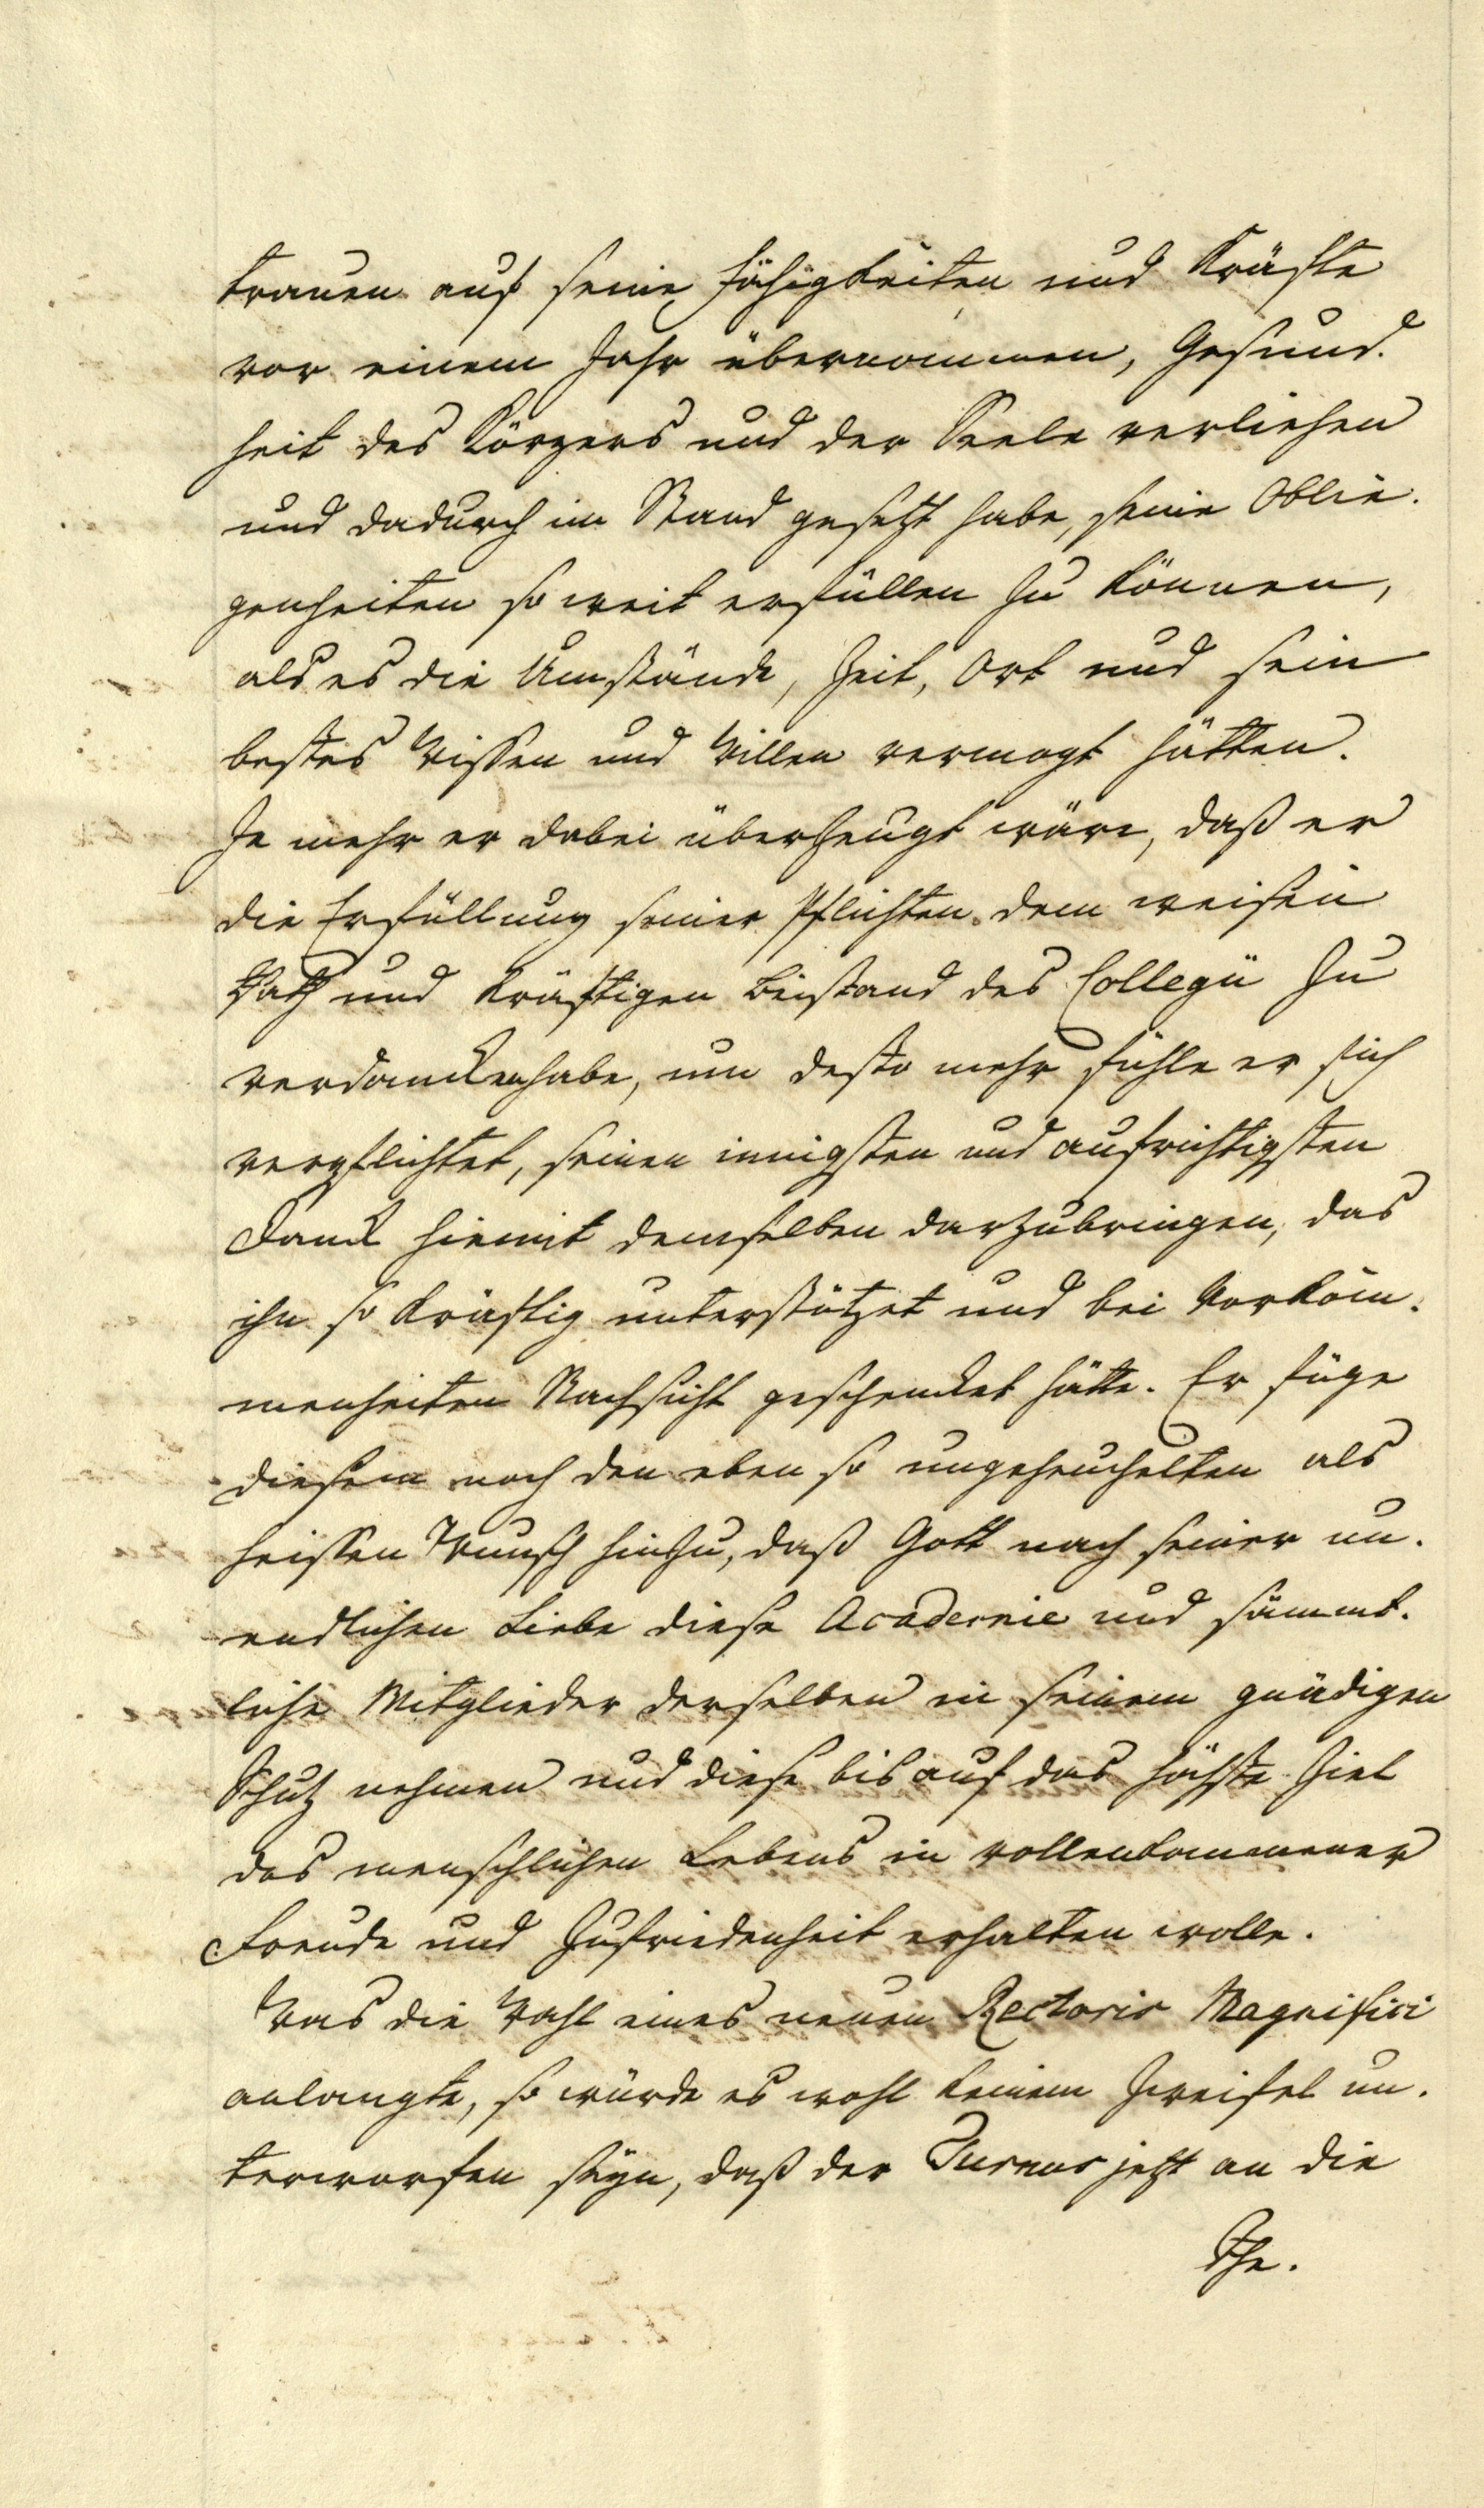trauen auf seine Fähigkeiten und Kräfte
vor einem Jahr übernommen, Gesund¬
heit des Körpers und der Seele verliehen
und dadurch im Stand gesetzt habe, seine Oblie¬
genheiten so weit erfüllen zu können,
als es die Umstände, Zeit, Ort und sein
bestes Wissen und Willen vermogt hätten.
Je mehr er dabei überzeugt wäre, daß er
die Erfüllung seiner Pflichten dem weisen
Rath und kräftigen Beistand des Collegii zu
verdanckenhabe, nun desto mehr fühle er sich
verpflichtet, seinen innigsten und aufrichtigsten
Danck hiemit demselben darzubringen, das
ihn so kräftig unterstützet und bei Vorkom¬
menheiten Nachsicht geschencket hätte. Er füge
diesem noch den eben so ungeheuchelten als
heissen Wunsch hinzu, daß Gott nach seiner un¬
endlichen Liebe diese Academie und sämmt¬
liche Mitglieder derselben in seinem gnädigen
Schutz nehmen und diese bis auf das höchste Ziel
des menschlichen Lebens in vollenkommener
Freude und Zufriedenheit erhalten wolle.
Was die Wahl eines neuen Rectoris Magnifici
anlangte, so würde es wohl keinem Zweifel un¬
terworfen seÿn, daß der Turnus jetzt an die
The.